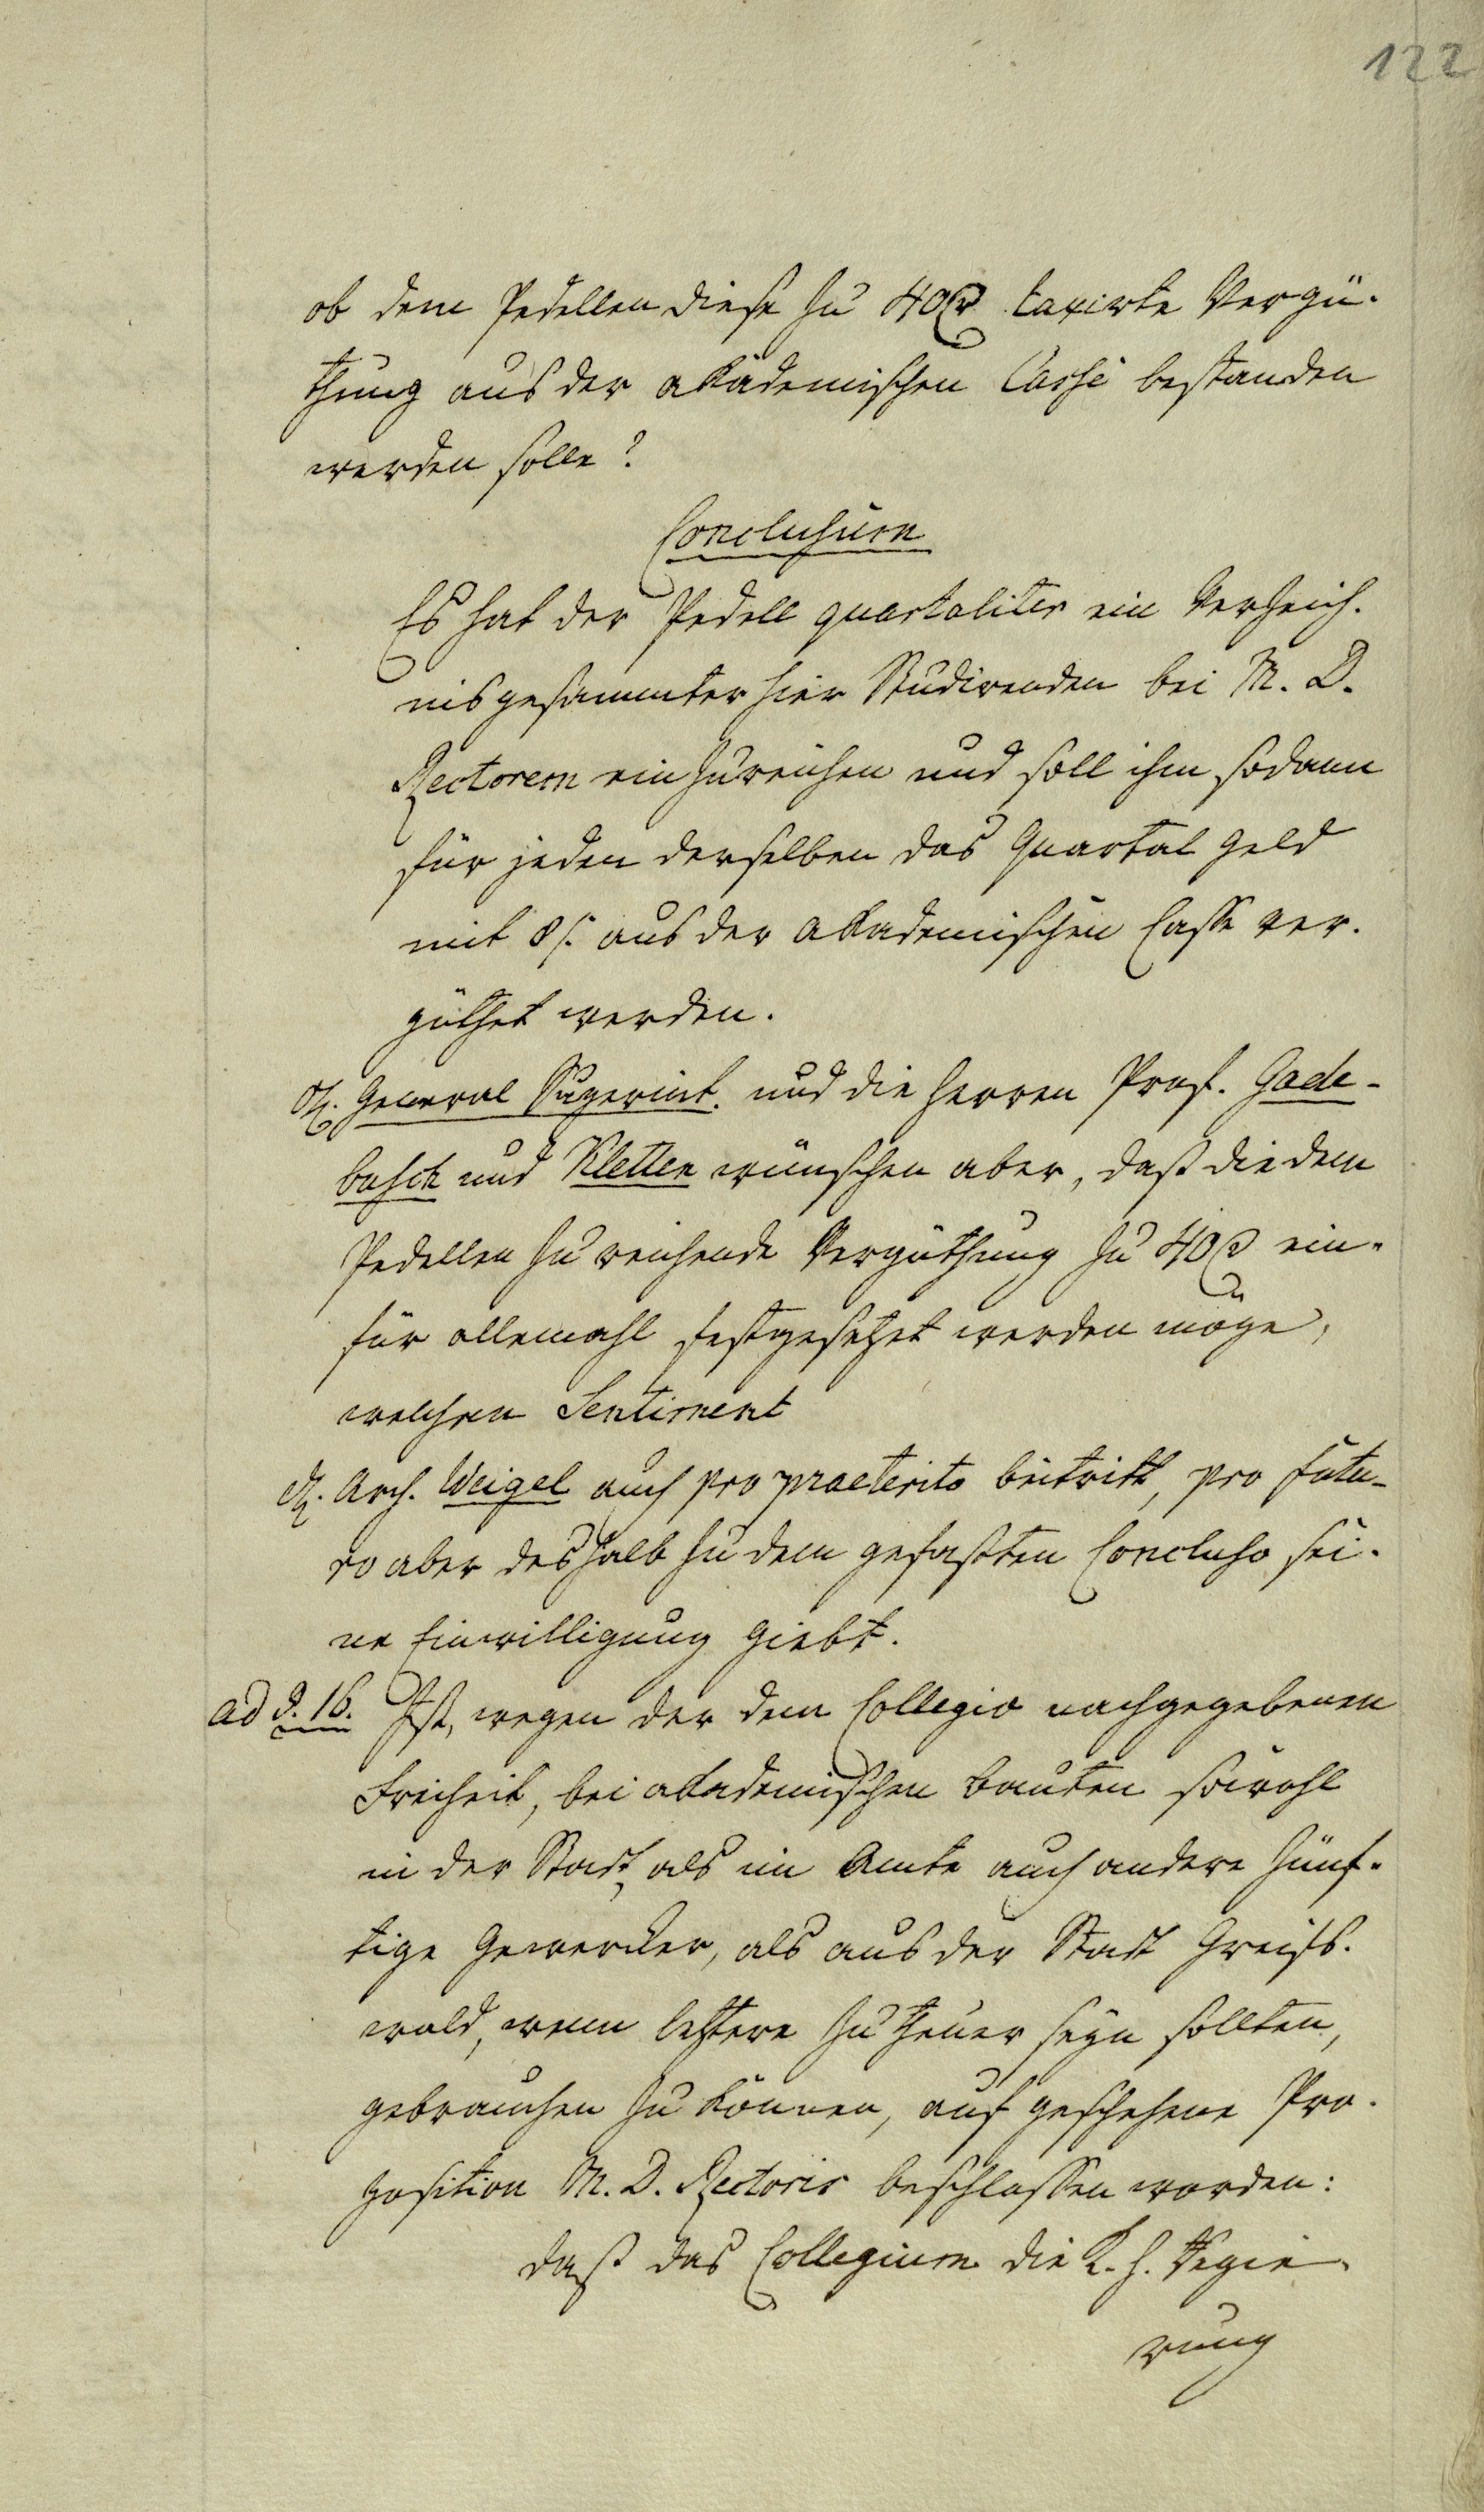ob dem Pedellen diese zu 40 l. taxirte Vergü¬
thung aus der akademischen Casse bestanden
werden solle?
Conclusum
Es hat der Pedell quartaliter ein Verzeich¬
nis gesammter hier Studirenden bei M. D.
Rectorem einzureichen und soll ihm sodann
für jeden derselben das Quartal Geld
mit 8 s.aus der akademischen Casse ver¬
güthet werden.
dh. General Superint. und die Herren Prof. Gade¬
busch und Kletten wünschen aber, daß die dem
Pedellen zu reichende Vergüthung zu 40 l. ein
für allemahl festgesetzet werden möge,
welchem Sentiment
dh. Arch. Weigel auch pro praeterito beitritt, pro futu¬
ro aber deshalb zu dem gefaßten Concluso sei¬
ne Einwilligung giebt.
ad §. 16. Ist, wegen der dem Collegio nachgegebenen
Freiheit, bei akademischen Bauten sowohl
in der Stadt, als in Amte auch andere zünf¬
tige Gewercker, als aus der Stadt Greifs¬
wald, wenn letztere zu theuer seÿn sollten,
gebrauchen zu können, auf geschehene Pro¬
position M. D. Rectoris beschlossen worden:
daß das Collegium die K.H. Regie¬
rung